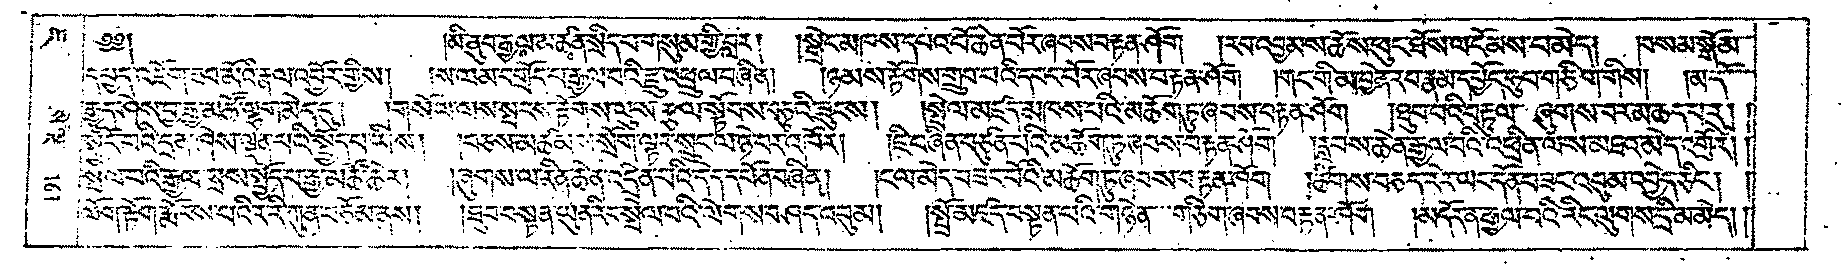༄༅། །མི་ནུབ་རྒྱལ་མཚན་སྲིད་པ་གསུམ་གྱི་བླར། །སྒྲེང་མཁས་དཔའ་བོ་ཆེན་པོར་ཞབས་བརྟན་ཤོག །རབ་འབྱམས་ཆོས་ཕུང་ཐོས་ལ་ངོམས་པ་མེད། །བསམ་སྒོམ་
དཔྱད་འཇོག་ཟབ་མོའི་རྣལ་འབྱོར་གྱིས། །ས་ལམ་བགྲོད་པ་རྒྱལ་བའི་རྫུ་འཕྲུལ་བཞིན། །ཉམས་རྟོགས་གྲུབ་པའི་དབང་པོར་ཞབས་བརྟན་ཤོག །གང་གི་མཁྱེན་རབ་རྣམ་དཔྱོད་ཧུབ་གཅིག་གིས། །མདོ་
རྒྱུད་ཤེས་བྱ་རྒྱ་མཚོ་ལྷག་མེད་དུ། །གསོལ་ལས་སྤངས་རྟོགས་ལུས་རྩལ་སྟོབས་བཅུའི་ཟུངས། །སྤྲེལ་མཛད་མཁས་པའི་མཆོག་ཏུ་ཞབས་བརྟན་ཤོག །ཐུབ་པའི་བརྟུལ་ཞུགས་བར་མ་ཆད་པ་རུ། །
སྐྱོང་བའི་དྲན་ཤེས་ལྡན་པའི་སྤྱོད་པ་ཡིས། །བཅས་མཚམས་སྲོག་ལྟར་སྲུང་ལ་ཉེ་བར་འཁོར། །ཇི་བཞིན་བཙུན་པའི་མཆོག་ཏུ་ཞབས་བརྟན་ཤོག །རླབས་ཆེན་རྒྱལ་བའི་འཕྲིན་ལས་མཐའ་མེད་འགྲོར། །
སྤེལ་བའི་རྒྱལ་སྲས་སྤྱོད་པ་རྒྱ་མཚོ་ཆེར། །ཞུགས་ལ་རིན་ཆེན་འདྲེན་པའི་དེད་དཔོན་བཞིན། །ངལ་མེད་བཟང་པོའི་མཆོག་ཏུ་ཞབས་བརྟན་ཤོག །ཚིགས་བཅད་རེར་ཡང་དོན་བཟང་འབུམ་འབྱེད་ཅིང་། །
ལོག་རྟོག་རྨོངས་པའི་ར་རི་ཀུན་བཅོམ་ནས། །ཐུབ་བསྟན་ཡུན་རིང་སྤེལ་བའི་ལེགས་བཤད་འབུམ། །སྤྲོ་མཛད་བསྟན་པའི་གཉེན་གཅིག་ཞབས་བརྟན་ཤོག །མདོར་ན་རྒྱལ་བའི་རིང་ལུགས་དྲི་མ་མེད། །